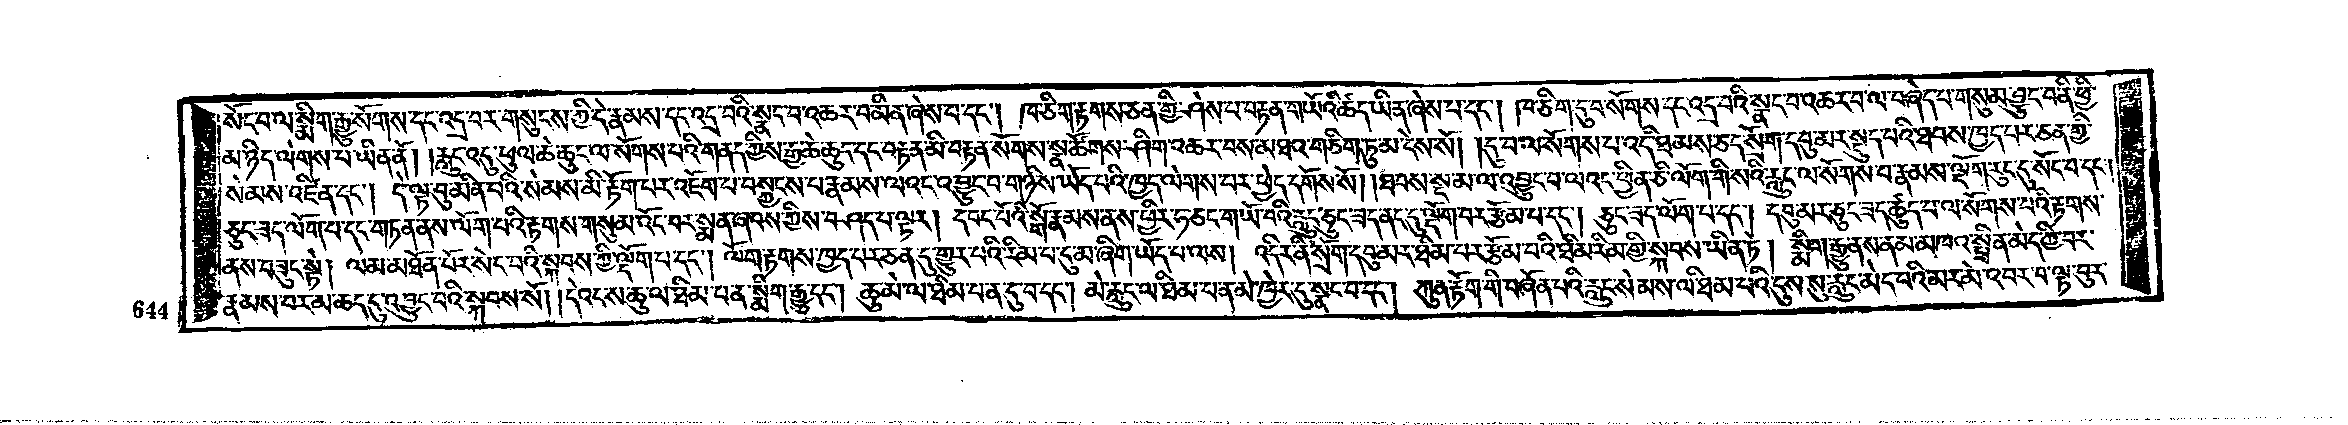སོང་བ་ལ་སྨིག་རྒྱུ་སོགས་དང་འདྲ་བར་གསུངས་ཀྱི་དེ་རྣམས་དང་འདྲ་བའི་སྣང་བ་འཆར་བ་མིན་ཞེས་པ་དང་། ཁ་ཅིག་རྟགས་ཅན་གྱི་ཤེས་པ་བརྟན་གཡོའི་ཚད་ཡིན་ཞེས་པ་དང་། ཁ་ཅིག་དུ་བ་སོགས་དང་འདྲ་བའི་སྣང་བ་འཆར་བ་ལ་བཞེད་པ་གསུམ་བྱུང་བ་ནི་ཕྱི་
མ་ཉིད་ལེགས་པ་ཡིན་ནོ། །རླུང་འདུ་ཕུལ་ཆེ་ཆུང་ལ་སོགས་པའི་གནད་ཀྱིས་རྒྱ་ཆེ་ཆུང་དང་བརྟན་མི་བརྟན་སོགས་སྣ་ཚོགས་ཤིག་འཆར་བས་མཐའ་གཅིག་ཏུ་མ་ངེས་སོ། །དུ་བ་ལ་སོགས་པ་འདི་ཐམས་ཅད་སྲོག་དབུ་མར་སྡུད་པའི་ཐབས་ཁྱད་པར་ཅན་གྱི་
སེམས་འཛིན་དང་། དེ་ལྟ་བུ་མིན་པའི་སེམས་མི་རྟོག་པར་འཇོག་པ་བསྐྱངས་པ་རྣམས་ལའང་འབྱུང་བ་གཉིས་ཡོད་པའི་ཁྱད་ལེགས་པར་ཕྱེད་དགོས་སོ། །ཐབས་སྔ་མ་ལ་འབྱུང་བ་ལའང་ཕྱིན་ཅི་ལོག་གི་སའི་རླུང་ལ་སོགས་པ་རྣམས་ལྡོག་རུང་དུ་སོང་བ་དང་།
ཅུང་ཟད་ལོག་པ་དང་གཏན་ནས་ལོག་པའི་རྟགས་གསུམ་འོང་བར་སྨན་ཞབས་ཀྱིས་བཤད་པ་ལྟར། དབང་པོའི་སྒོ་རྣམས་ནས་ཕྱིར་ཧ་ཅང་གཡོ་བའི་རླུང་ཅུང་ཟད་ནང་དུ་ལྡོག་བར་རྩོམ་པ་དང་། ཅུང་ཟད་ལོག་པ་དང་། དབུ་མར་ཅུང་ཟད་ཚུད་པ་ལ་སོགས་པའི་རྟགས་
ནས་བཟུང་སྟེ། ལམ་མཐོན་པོར་སེང་བའི་སྐབས་ཀྱི་ལྡོག་པ་དང་། ལོག་རྟགས་ཁྱད་པར་ཅན་དུ་གྱུར་པའི་རིམ་པ་དུ་མ་ཞིག་ཡོད་པ་ལས། འདིར་ནི་སྲོག་དབུ་མར་ཐིམ་པར་རྩོམ་པའི་ཐིམ་རིམ་གྱི་སྐབས་ཡིན་ཏེ། སྨིག་རྒྱུ་ནས་ནམ་མཁའ་སྤྲིན་མེད་ཀྱི་བར་
རྣམས་བར་མ་ཆད་དུ་འབྱུང་བའི་སྐབས་སོ། །དེའང་ས་ཆུ་ལ་ཐིམ་པ་ན་སྨིག་རྒྱུ་དང་། ཆུ་མེ་ལ་ཐིམ་པ་ན་དུ་བ་དང་། མེ་རླུང་ལ་ཐིམ་པ་ན་མེ་ཁྱེར་དུ་སྣང་བ་དང་། ཀུན་རྟོག་གི་བཞོན་པའི་རླུང་སེམས་ལ་ཐིམ་པའི་དུས་སུ་རླུང་མེད་པའི་མར་མེ་འབར་བ་ལྟ་བུར་